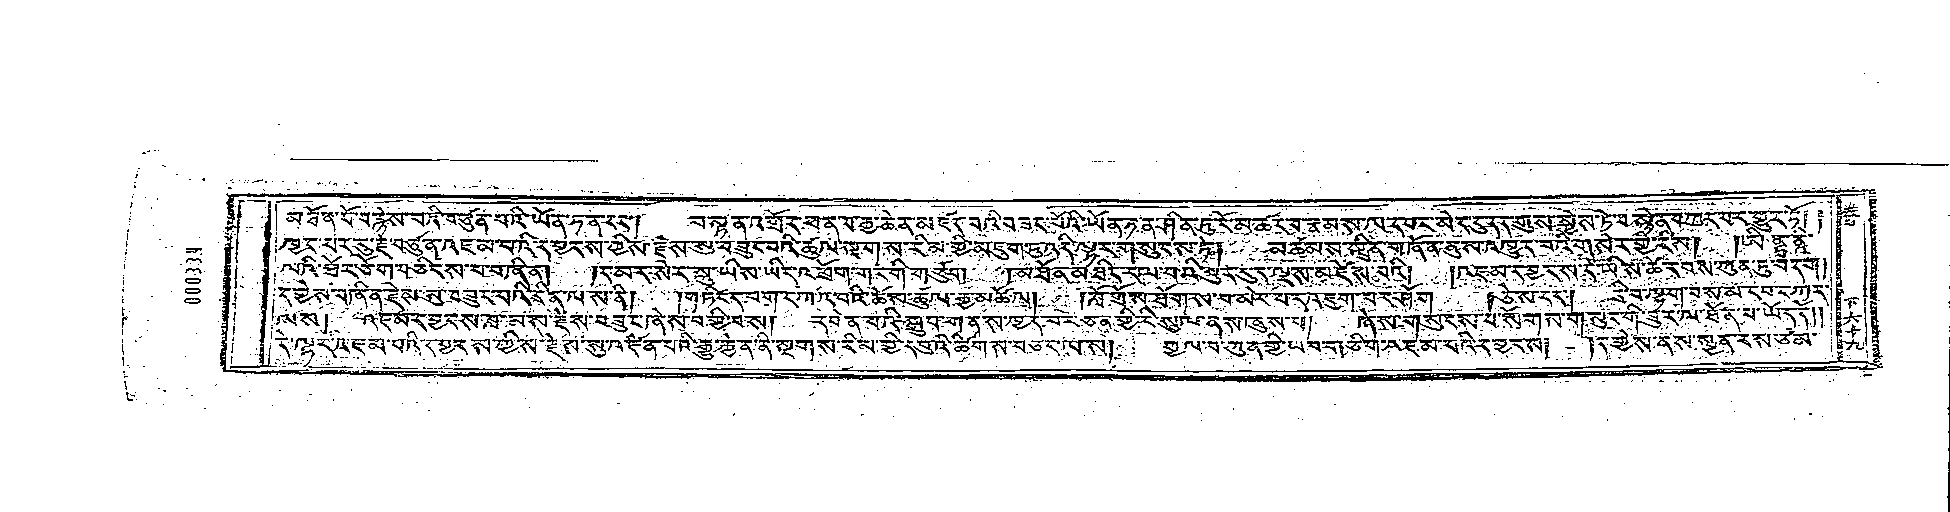མཐོན་བོ་བརྙེས་བའི་བཙུན་པའི་ཡོན་ཏན་དང་། བསྟན་འགྲོར་ཕན་པ་རྒྱ་ཆེན་མཛད་བའི་བཟང་པོའི་ཡོན་ཏན་ཤིན་ཏུ་ངོ་མཚར་བ་རྣམས་ལ་དབང་མེད་དུ་རང་གུས་སྐྱེས་ཏེ་བསྙེན་བཀུར་བར་གྱུར་ཏོ། །
ཁྱད་པར་དུ་རྗེ་བཙུན་འཇམ་པའི་དབྱངས་ཀྱིས་རྗེས་སུ་བཟུང་བའི་ཚུལ་སྔགས་རིམ་གྱི་མཇུག་ཏུ་འདི་ལྟར་གསུངས་ཏེ། མཚམས་སྤྲིན་གཞོན་ནུས་འཁྱུད་བའི་གསེར་གྱི་རིས། །ཨིནྟྲ་ནཱི་
ལའི་ཐོར་ཅོག་བཅིངས་པ་བཞིན། །དམར་སེར་སྐུ་ཡིས་ཡིད་འཕྲོག་གང་གི་གཙུབ། །མཐོན་མཐིད་རལ་བའི་སྡུར་དུ་ད་ལྔས་མཛེས་བའི། །འཇམ་དབྱངས་དེ་ཡིས་ཚེ་རབས་ཀུན་ཏུ་བདག།
དགྱེས་བཞིན་རྗེས་སུ་བཟུང་བའི་དྲིན་ལས་ནི། །གཏིང་དཔག་དཀའ་བའི་ཆོས་ཚུལ་རྒྱ་མཚོལ། །བློ་གྲོས་ཐོགས་པ་མེད་པར་འཇུག་བར་ཤོག །ཅེས་དང་། དྲི་བ་ལྷག་བསམ་དབ་དཀར་
ལས། འཇམ་དབྱངས་བླ་མས་རྗེས་བཟུང་ཞེས་བགྱི་བས། དབེན་པའི་སྒྲུབ་གནས་ཁྱད་བར་ཅན་གྱི་རི་ལུས་ནས་ཞུས་པ། ཞེས་གསུངས་པ་སོགས་གསུང་གི་ཟུར་ལ་ཐོན་པ་ཡོད་དོ། །
དེ་ལྟར་འཇམ་པའི་དབྱངས་ཀྱིས་རྗེས་སུ་འཛིན་པའི་རྒྱུ་རྐྱེན་ནི་སྔགས་རིམ་གྱི་དབུའི་ཚིགས་བཅད་ལས། རྒྱལ་བ་ཀུན་གྱི་ཡབ་གཅིག་འཇམ་བའི་དབྱངས། །དགྱེས་ནས་སྤྱན་རས་ཙམ་